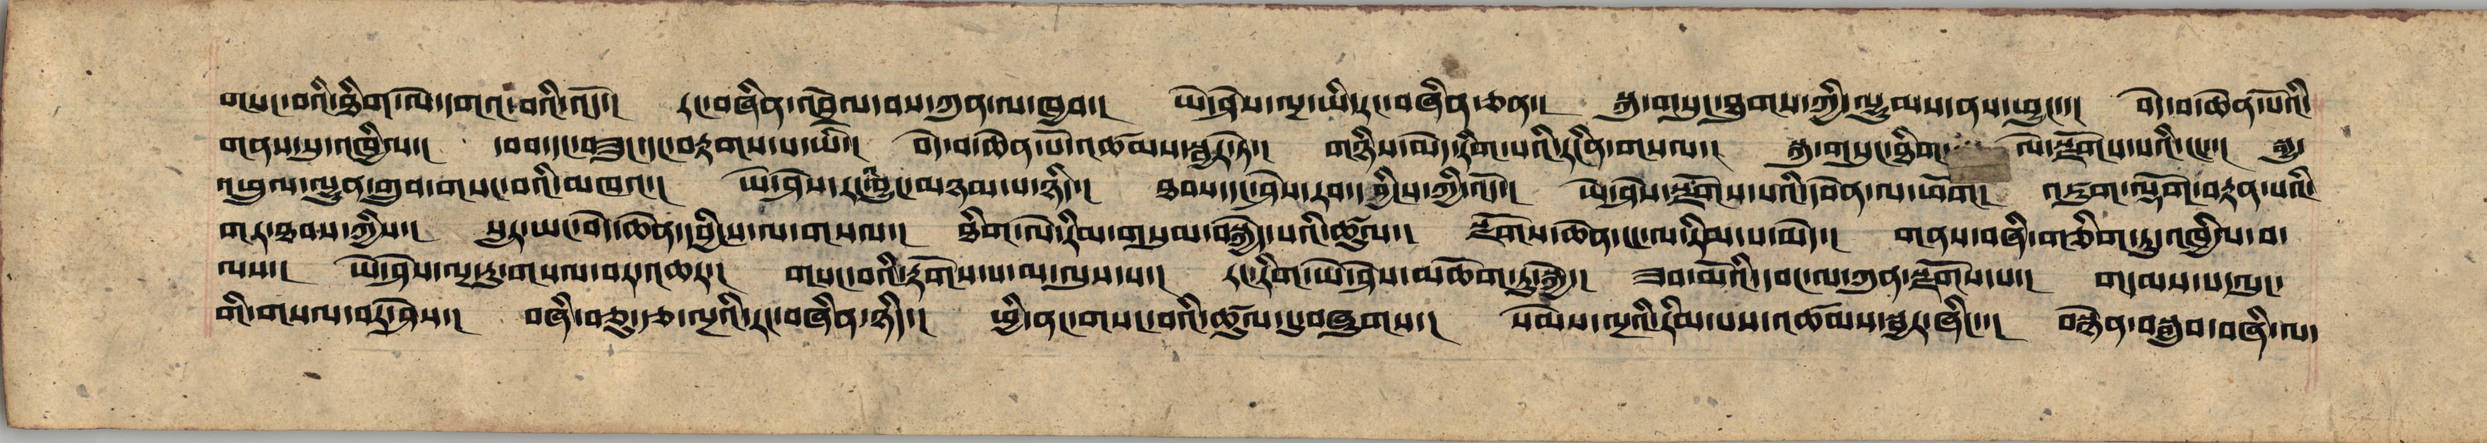གསུང་བའི་ཐིག་ལེ་དགའ་བའི་འོད་། རང་བཞིན་འབྲེལ་བས་ཀུན་ལ་ཁྱབ་། ཡེ་ཤེས་ལྔ་ཡི་རང་བཞིན་ཅན་། སྐུ་གསུང་ཐུགས་ཀྱི་ལྷུམས་ནས་ཕྱུང་་། བདེ་བ་ཆེན་པོའི་
གནས་སུ་འཁྱིལ་། དབབ་དང་བཟུང་དང་བརྟགས་པ་ཡི་། བདེ་བ་ཆེན་པོ་འཚམས་སྦྱར་ཏེ་། གཉིས་མེད་རིག་པའི་རངིན་གསལ་། སྐུ་གསུང་ཐིག་ ལེ་སྫོགས་པའི་ངང་་། སྒྱུ་
འཕྲུལ་ལྷུན་གྲུབ་གསང་བའི་མཁའ་། ཡེ་ཤེས་རང་འབྱུང་མཉམ་པ་ཉིད་། ཐབས་དང་ཤེས་རབ་དབྱིངས་ཀྱི་འོད་། ཡེ་ཤེས་སྫོགས་པའི་དབེན་ལ་ཕོག། འཇུག་ལྡོག་བརྟན་པའི་
གར་ཐབས་ཀྱིས་། སླར་ཡང་བདེ་ཆེན་དབྱིངས་ལ་གསལ་། ཐིག་ལེ་རིམ་གསུམ་བསྐྱེད་པའི་ཚུལ་། སྫོགས་ཆེན་ངང་ལ་རིམ་པ་མེད་། གནས་བཞི་གཅིག་ཏུ་འཁྱིལ་བ་
ལས་། ཡེ་ཤེས་ལྔ་རུ་གསལ་བར་འཆར་། གསང་བའི་རྟོགས་པ་མ་ལུས་པ་། རང་རིག་ཡེ་ཤེས་མཆོག་ཏུ་སྐྱེ་། ཟབ་མོའི་དབང་ལ་ཀུན་སྫོགས་པ་། གདམས་པ་ལུང་
གི་གསལ་བར་ཤེས་། བཞི་བཅུ་རྩ་ལྔའི་རང་བཞིན་ཉིད་། ཕྱི་ནང་གསང་བའི་ཚུལ་དུ་བཞུགས་། སེམས་ལྔའི་རིམ་པས་འཚམས་སྦྱར་ཞིང་་། བསྙེན་བསྒྲུབ་བཞི་ལ་